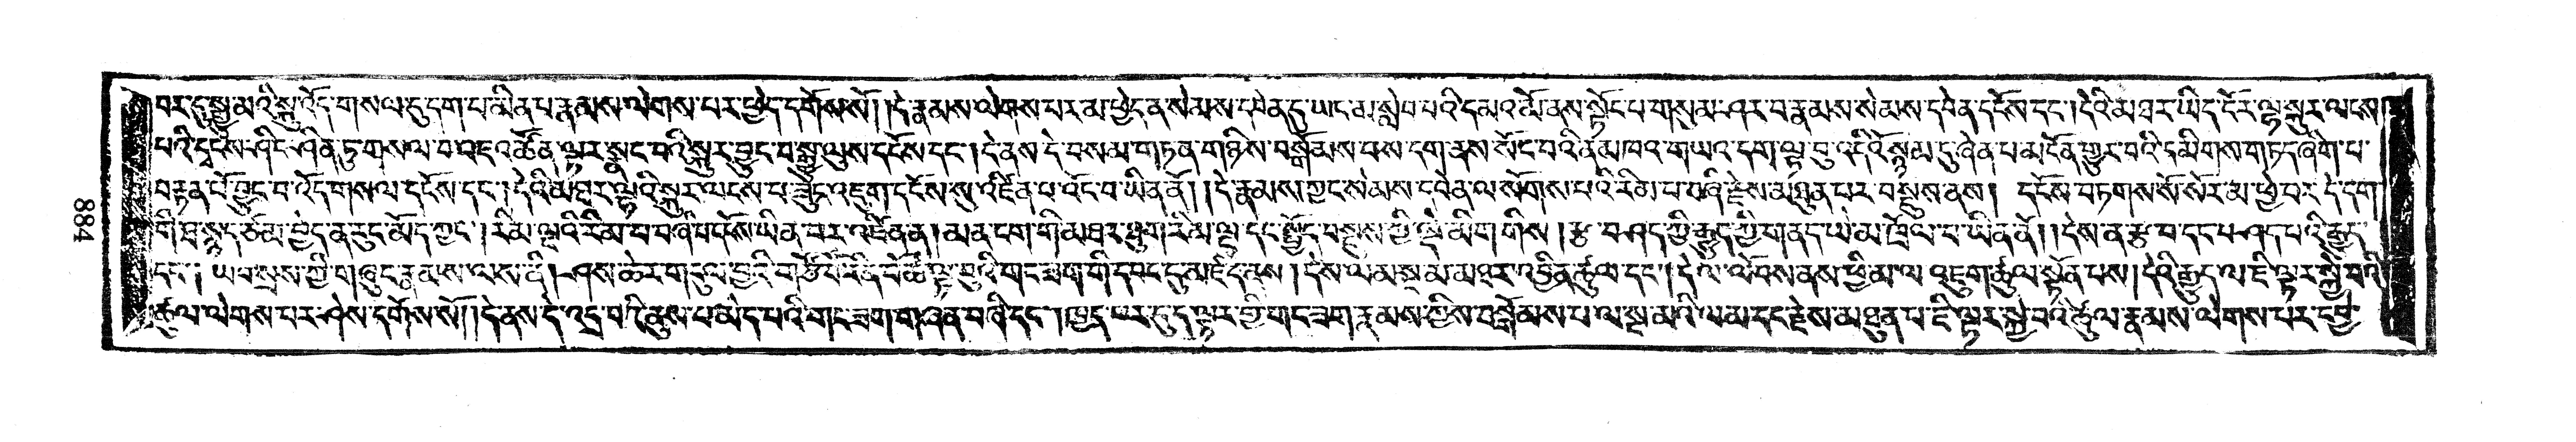བར་དུ་སྒྱུ་མའི་སྐུ་འོད་གསལ་དུ་དག་པ་མིན་པ་རྣམས་ལེགས་པར་ཕྱེད་དགོས་སོ། །དེ་རྣམས་ལེགས་པར་མ་ཕྱེད་ན་སེམས་དབེན་དུ་ཡང་མ་སླེབ་པའི་དམའ་མོ་ནས་སྟོང་པ་གསུམ་ཤར་བ་རྣམས་སེམས་དབེན་དངོས་དང་། དེའི་མཐར་ཡིད་ངོར་ལྷ་སྐུར་ལངས་
པའི་དྭངས་ཤིང་ཤིན་ཏུ་གསལ་བ་འཇའ་ཚོན་ལྟར་སྣང་བའི་སྐུར་བྱུང་བ་སྒྱུ་ལུས་དངོས་དང་། དེ་ནས་དེ་བསམ་གཏན་གཉིས་བསྒོམས་པས་དག་ནས་སོང་བའི་ནམ་མཁའ་གཡའ་དག་ལྟ་བུ་འདིའོ་སྙམ་དུ་ཞེན་པ་མངོན་གྱུར་བའི་དམིགས་གཏད་ཞིག་པ་
བརྟན་པོ་བྱུང་བ་འོད་གསལ་དངོས་དང་། དེའི་མཐར་ལྷའི་སྐུར་ལངས་པ་ཟུང་འཇུག་དངོས་སུ་འཛིན་པ་འོང་བ་ཡིན་ནོ། །དེ་རྣམས་ཀྱང་སེམས་དབེན་ལ་སོགས་པའི་རིམ་པ་བཞི་རྗེས་མཐུན་པར་བསྡུས་ནས། དངོས་བཏགས་སོ་སོར་མ་ཕྱེ་བར་དེ་དག་
གི་ཐ་སྙད་ཙམ་བྱེད་ན་རུང་མོད་ཀྱང་། རིམ་ལྔའི་རིམ་པ་བཞི་པ་དངོས་ཡིན་པར་འཛིན་ན། མན་ངག་གི་མཐར་ཐུག་རིམ་ལྔ་དང་སྤྱོད་བསྡུས་ཀྱི་ལྡེ་མིག་གིས། རྩ་བཤད་ཀྱི་རྒྱུད་ཀྱི་གནད་ཡེ་མ་ཁྲོལ་བ་ཡིན་ནོ། །དེས་ན་རྩ་བ་དང་བཤད་པའི་རྒྱུད་
དང་། ཡབ་སྲས་ཀྱི་གཞུང་རྣམས་ལས་ནི། ཤས་ཆེར་གདུལ་བྱའི་གཙོ་བོ་རིན་པོ་ཆེ་ལྟ་བུའི་གང་ཟག་གི་དབང་དུ་མཛད་ནས། དེས་ལམ་སྔ་མ་མཐར་འབྱིན་ཚུལ་དང་། དེ་ལ་ལོབས་ནས་ཕྱི་མ་ལ་འཇུག་ཚུལ་སྟོན་པས། དེའི་རྒྱུད་ལ་ཇི་ལྟར་སྐྱེ་བའི་
ཚུལ་ལེགས་པར་ཤེས་དགོས་སོ། །དེ་ནས་དེ་འདྲ་བའི་ནུས་པ་མེད་པའི་གང་ཟག་གཞན་བཞི་དང་། ཁྱད་པར་དུ་ད་ལྟར་གྱི་གང་ཟག་རྣམས་ཀྱིས་བསྒོམས་པ་ལ་སྔ་མའི་ལམ་དང་རྗེས་མཐུན་པ་ཇི་ལྟར་སྐྱེ་བའི་ཚུལ་རྣམས་ལེགས་པར་དབྱེ་